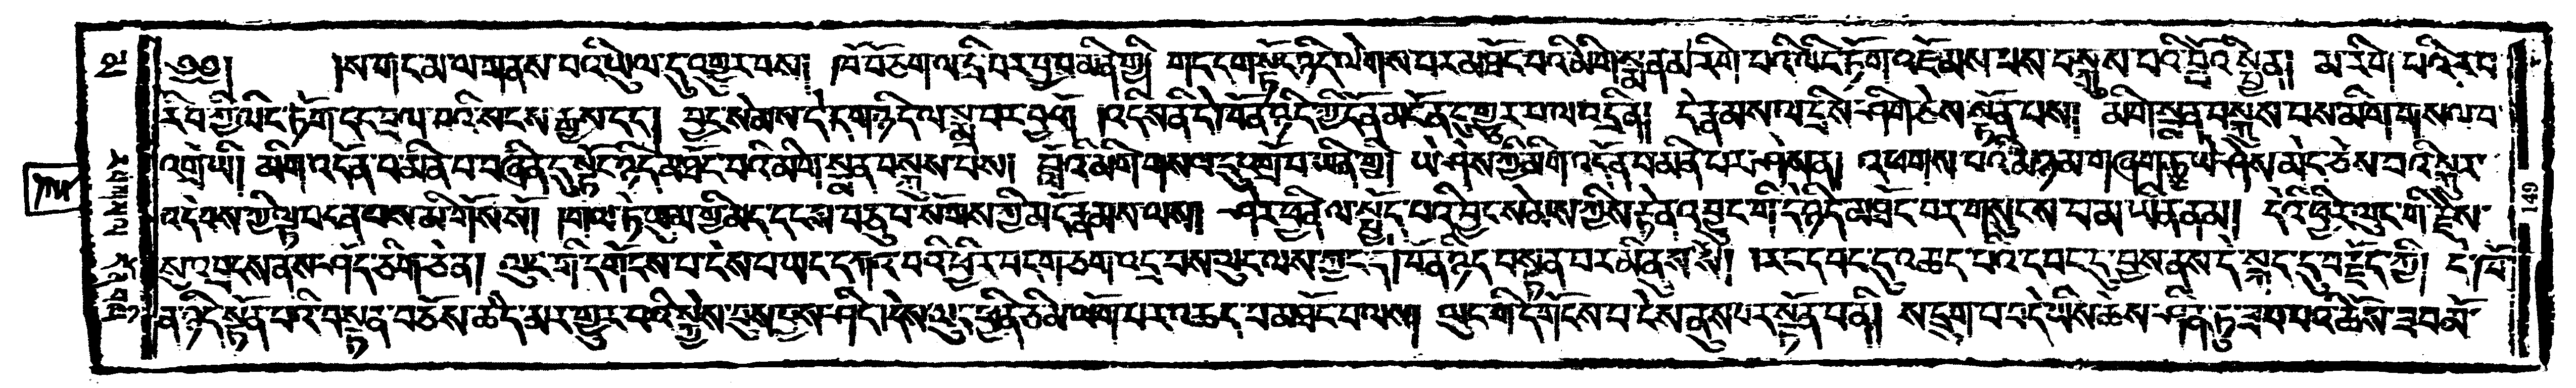༄༅། །ས་གང་མ་ལ་གནས་པའི་ཡུལ་དུ་འགྱུར་བས། ཁོ་བོ་ཅག་ལ་དྲི་བར་བྱ་བ་མིན་གྱི། གང་དག་སྟོང་ཉིད་ལེགས་པར་མཐོང་བའི་མིག་སྨན་མ་རིག་པའི་ལིང་ཏོག་འཇོམས་པས་བསྐུས་པའི་བློའི་སྤྱན། མ་རིག་པའི་རབ་
རིབ་ཀྱི་ལིང་ཏོག་དང་བྲལ་བའི་སངས་རྒྱས་དང་། བྱང་སེམས་དེ་དག་ཉིད་ལ་སྨྲ་བར་བྱའོ། །འདིས་ནི་དེ་ཁོ་ན་ཉིད་ཀྱི་དོན་མངོན་དུ་གྱུར་པ་ལ་འདྲི་ན། དེ་རྣམས་ལ་དྲིས་ཤིག་ཅེས་སྟོན་པས། མིག་སྨན་བསྐུས་པས་མིག་གསལ་དུ་
འགྲོ་ཡི། མིག་འདོན་པ་མིན་པ་བཞིན་དུ་སྟོང་ཉིད་མཐོང་བའི་མིག་སྨན་བསྐུས་པས། བློའི་མིག་གསལ་དུ་འགྲོ་བ་ཡིན་གྱི། ཡེ་ཤེས་ཀྱི་མིག་འདོན་པ་མིན་པར་ཤེས་ན། འཕགས་པའི་མཉམ་གཞག་ཏུ་ཡེ་ཤེས་མེད་ཅེས་པའི་སྐུར་
འདེབས་ཀྱི་ལྟ་བ་ངན་པས་མི་གོས་སོ། །གལ་ཏེ་ཡུམ་གྱི་མདོ་དང་ས་བཅུ་པ་སོགས་ཀྱི་མདོ་རྣམས་ལས། ཤེར་ཕྱིན་ལ་སྤྱོད་པའི་བྱང་སེམས་ཀྱིས་རྟེན་འབྱུང་གི་དེ་ཉིད་མཐོང་བར་གསུངས་པ་མ་ཡིན་ནམ། དེའི་ཕྱིར་ལུང་གི་རྗེས་
སུ་འབྲངས་ནས་ཤོད་ཅིག་ཅེ་ན། ལུང་གི་དགོངས་པ་ངེས་པ་ཡང་དཀའ་བའི་ཕྱིར་བདག་ཅག་འདྲ་བས་ལུང་ལས་ཀྱང་དེ་ཁོ་ན་ཉིད་བསྟན་པར་མི་ནུས་སོ། །རང་དབང་དུ་འཆད་པའི་དབང་དུ་བྱས་ནས་དེ་སྐད་དུ་བརྗོད་ཀྱི། དེ་ཁོ་
ན་ཉིད་སྟོན་པའི་བསྟན་བཅོས་ཚད་མར་གྱུར་པའི་སྐྱེས་བུས་བྱས་ཤིང་། དེས་ལུང་ཕྱིན་ཅི་མ་ལོག་པར་འཆད་པ་མཐོང་བ་ལས། ལུང་གི་དགོངས་པ་ངེས་ནུས་པར་སྟོན་པ་ནི། ས་དྲུག་པ་བ་དེ་ཡིས་ཆེས་ཤིན་ཏུ་ཟབ་པའི་ཆོས་ཟབ་མོ་